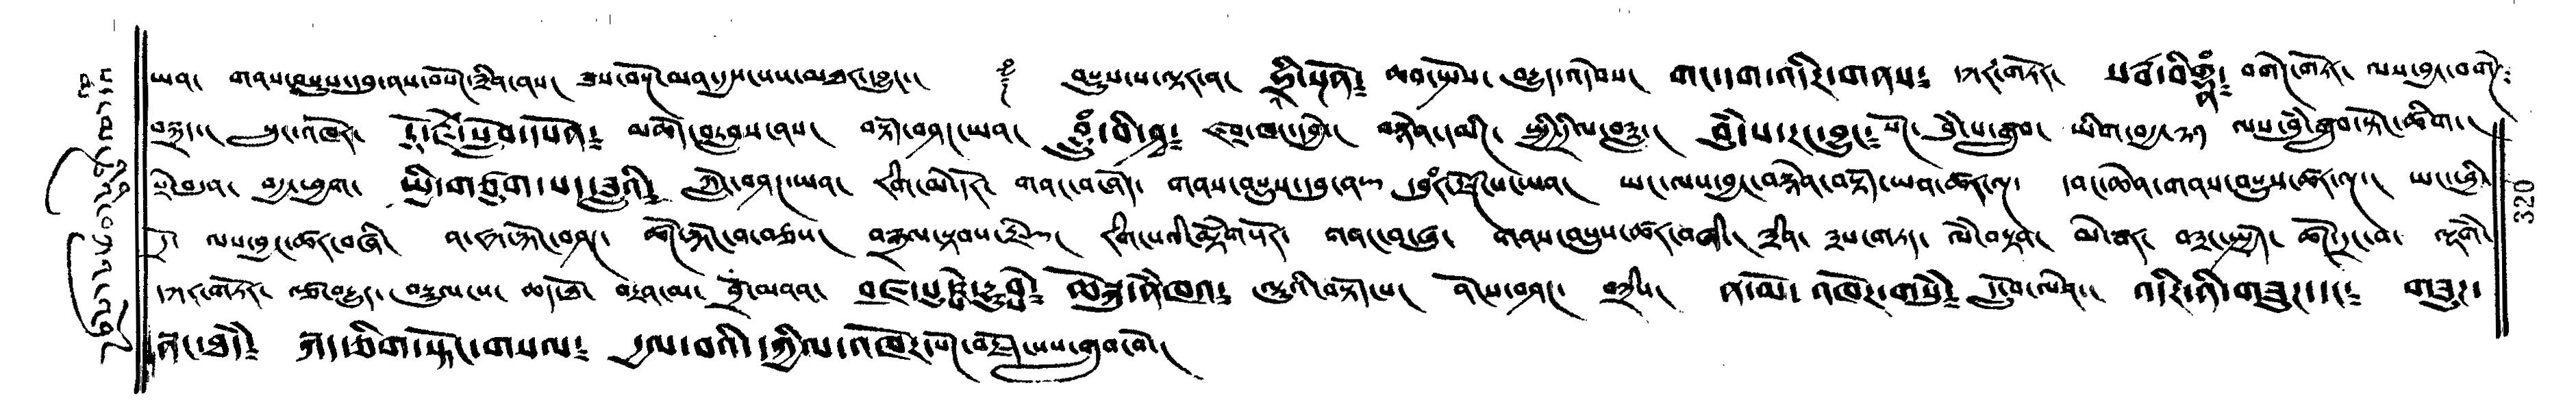ཡན། གནས་བསྡུས་དབུ་ནས་བསགས་ཟིན་ནས་ཟས་བསྔོ་མན་རྒྱས་པས་མཐར་བྱུང་། ༈ བསྡུས་པ་ལྟར་ན། ཧྲཱི༔སྔོན༴ ཆབ། སྤོས། བརྒྱུད་འདེབས། གང་དག་འདིར་གནས༴ དཀར་གཏོར། སརྦ་བིགྷྣཾ༴ བགེགས་གཏོར། ལས་བྱང་བགེགས་
བསྐྲད། སྲུང་འཁོར། རྡོ་རྗེ་སློབ་དཔོན༴ མཆོད་རླབས་ནས་བསྟོད་བཤགས་ཡན། བྷྲུཾ་བི་ཤྭ༴ ཛཔྲ་ཁང་དབྱེ། བསྙེན་དམིགས། སྤྱི་དྲིལ་བཟླ། བུམ་པར་རང་བྱུང༴ སོགས། བུམ་སྒྲུབ། ཡིག་བརྒྱ་ཉེར་གཅིག ལས་བུམ་སྒྲུབ། སྟོང་ཚིག 
སྡེ་བདུན། བརྒྱ་ཕྱག སྤྱི་གཙུག་པད་ཟླའི༴ ཀློང་བཤགས་ཡན།རིག་མེ་དོར། གནང་བ་ནོད། གནས་བསྡུས་དབུ་ནས་དབང་སྐུར་རྫོགས་པ་ཡན། ཡང་ལས་བྱང་བསྙེན་བསྟོད་ཡན་ཚར་ལྔ། དབང་ཆེན་གནས་བསྡུས་ཚར་ལྔ། ཡང་ཕྱི་
དྲོ། ལས་བྱང་ཚར་བཞི། ན་རཀ་སྐོང་བཤགས། ཚོགས་སྐོང་བ་བཅས། བསྒྲལ་བསྟབ་རྗེས་རིག་པའི་མེ་ཏོག་དོར། གནང་བ་ཞུ། གནས་བསྡུས་ཚར་བཞི་ཟིན་ནས་ཟས་གཏད། ལམ་བསྟན། མེ་སྦར། བཟང་སྤྱོད། ཚོགས་དྲང་བ། ལྷག་མ། 
དཀར་གཏོར། རྩ་བརྒྱུད། བསྐུལ་པ། ཆད་ཐོ། བརྟན་མ། བྲོ་མནན། བཛྲ་པུཥྤེ་དྷུཤྤེ༴ ཆོས་སྐུ་ནམ་མཁའ༴ ལྟ་བུའི་བསྟོད་པ། ནོངས་བཤགས། བཀྲ་ཤིས། ན་མོ༔ འཁོར་གསུམ༴ དངོས་གྲུབ་ལེན། འདིར་ནི་གཟུགས་དང༴ གཟུགས་
སྣང་ཐམས་ཅད༴ སྐད་ཅིག་སྟོང་གསལ༴ རྒྱལ་བའི་དཀྱིལ་འཁོར༴ སོགས་བརྗོད་པས་གྲུབ་བོ།